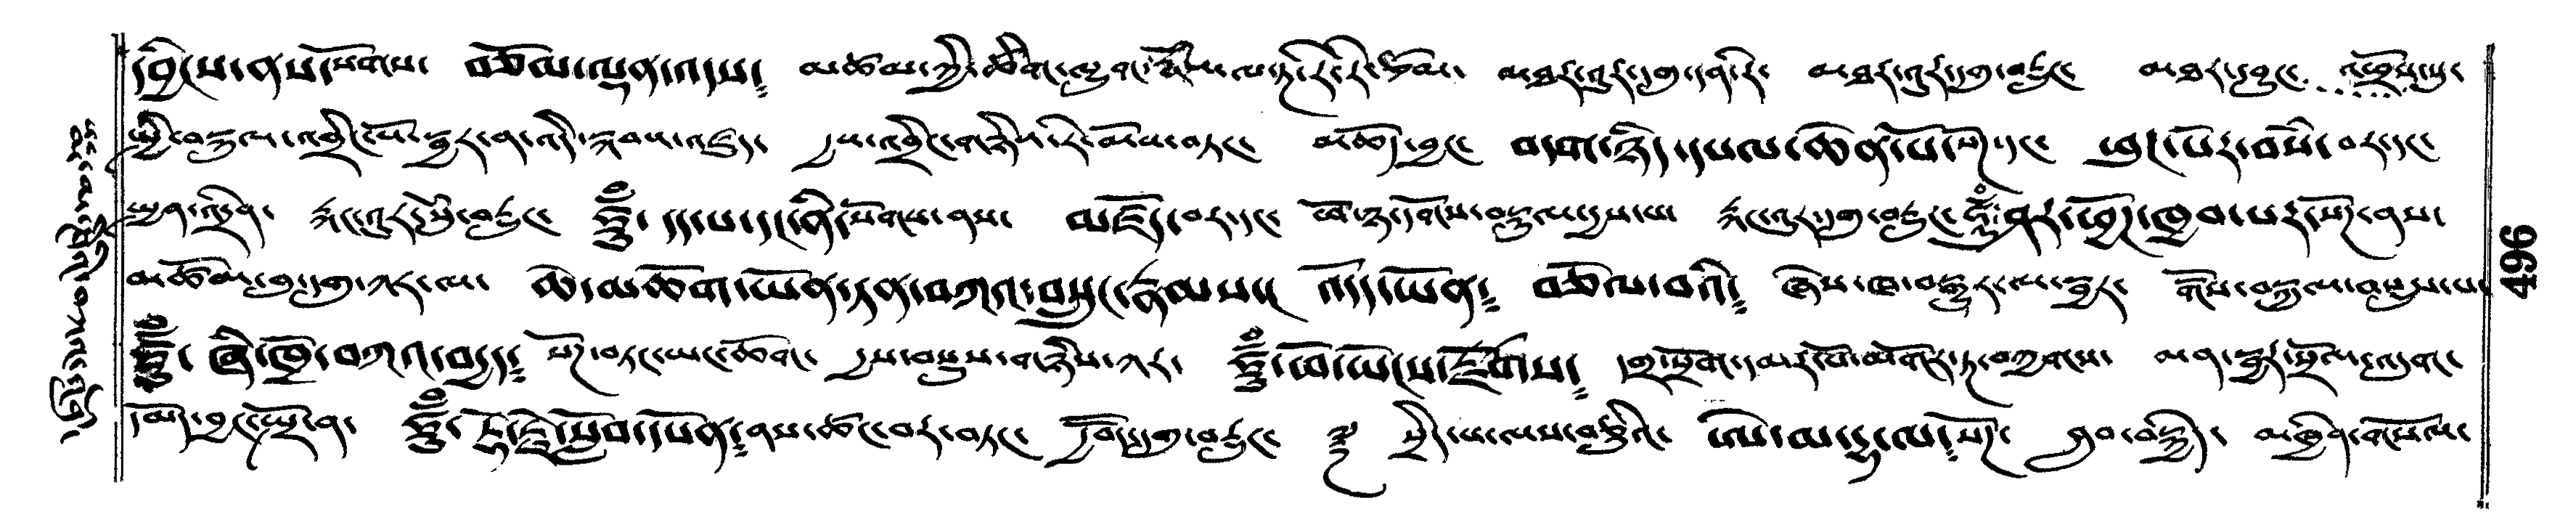དབྱིངས་ནས༴ སོགས། བཅོམ་ལྡན་འདས༴ ( མཚམས་ཀྱི་ཚིག་ལྷུག་རྣམས་ལ་རྔ་རེ་རེ་ཙམ། མཐར་འུར་དགུ་དན་རེ། མཐར་འུར་དགུ་བརྡུང་། མཐར་དབྱུང་། ) འཕྲོས་སུ་
སྤྱི་བསྐུལ་འབྲིང་པོ་སྦྱར་ན་འདི་སྐབས་འཛུད། རྒྱས་འབྲིང་གཉིས་རེ་མོས་བཏང་། མཆོད་བྱང་། བདག་ཉིད་དཔལ་ཆེན་པོ༴ སོགས་དང་། ཕུང་པོར་བསམ། བར་དང་
སྤྱན་འདྲེན། ( རྐང་འུར་སུམ་བརྡུང་། ) ཧཱུྃ༔ དད་པ་དང་ནི༴ སོགས་ནས། མཛོད། བར་དང་། ཕོ་ཉ་དགོས་བསྐུལ་རྒྱས་པ། ( རྐང་འུར་དགུ་བརྡུང་། ) ཧཱུྃ༔ཤར་ཕྱོགས་ཁྱབ་པར༴ སོགས་ནས། 
མཚོམ་བུ་དགུ་ཀ་ལ། ཆེ་མཆོག་ཡོན་ཏན་བཀའ་བསྲུང་རྣམས༔ འདོད་ཡོན༴ བཅོལ་བའི༴ ཞེས་ཁ་བསྒྱུར་ལ་སྦྱར། སྒོས་བསྐུལ་བསྡུས་པ། 
ཧཱུྃ༔ ཞི་ཁྲོ་བཀའ་བརྒྱད༴ སོགས་བཏང་ཡང་ཆོག རྒྱས་བསྡུས་གཉིས་ཀར། ཧཱུྃ༔ཕོ་ཉ་ཡོངས་རྫོགས༴ ( དགྲ་སྲོག་དམར་པོ་མགོར་རྔ་བཀྱགས། ) མན་སྦྱར་སྲོལ་འདུག 
དམོད་བྱང་སྤྲོ་ན། ཧཱུྃ༔རྡོ་རྗེ་སློབ་དཔོན༴ ནས་ཚང་བར་བཏང་། ( རྒྱོབ་སོད་དགུ་བརྡུང་། ) ༈ བསད་པ་ལས་བཅུའི། ཨེ་མ་དྷ་ལ༴ སོགས། བྲུབ་བསྐྱེད། མཁྱེན་གསོལ།